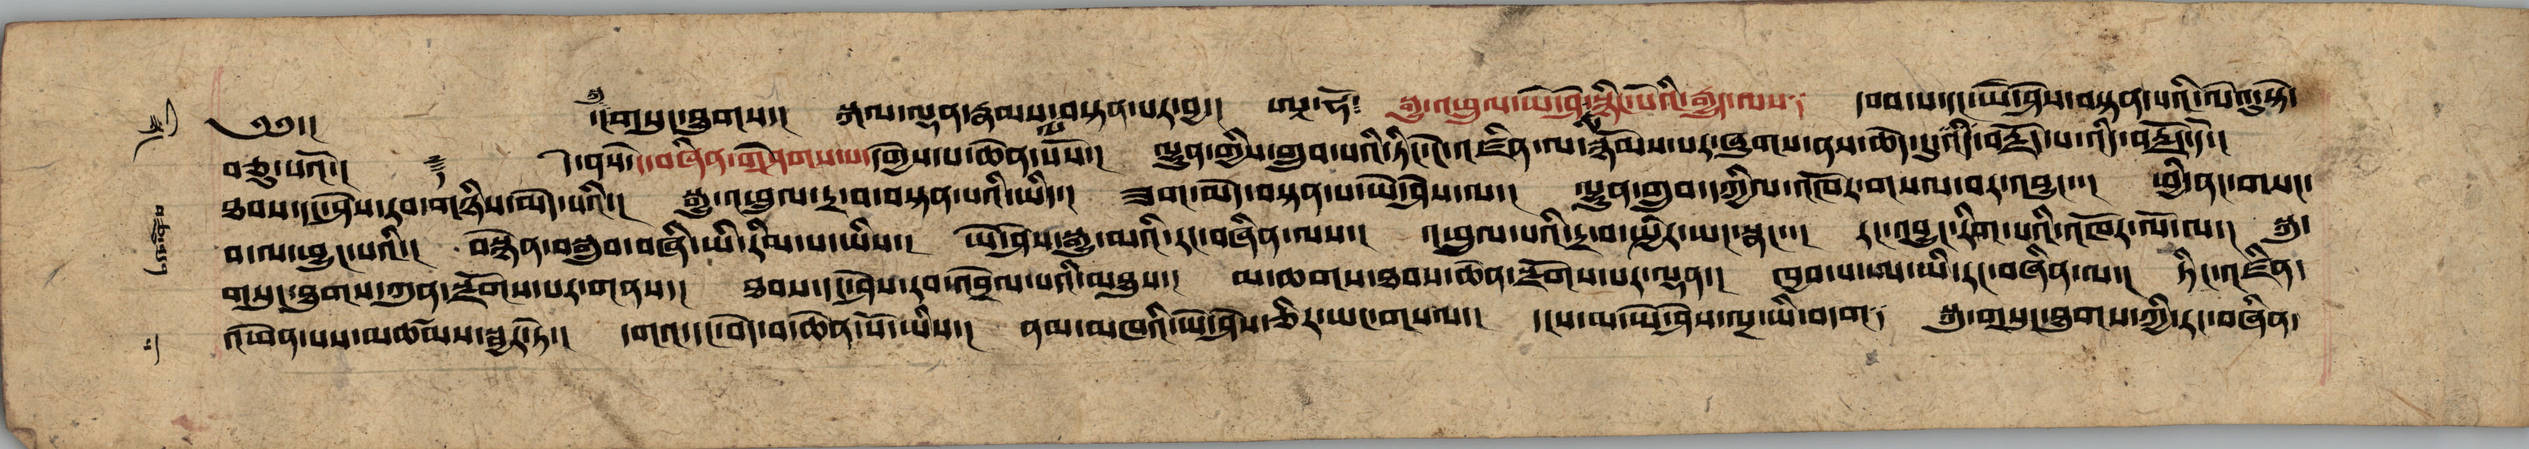༄༅་། ་།གསུང་ཐུགས་། སྐལ་ལྡན་རྣམས་ལ་བསྟན་པར་བྱ་། ཨཱ་ཧོ༴ སྒྱུ་འཕྲུལ་ཡེ་ཤེས་སྙིང་པོའི་རྒྱུད་ལས་། དབབ་པ་དང་ཡེ་ཤེས་བསྟན་པའི་ལེའུ་སྟེ་
བཅུ་པའོ་། ࿑ དེ་ནས་དེ་བཞིན་གཤེགས་པ་དགྱེས་པ་ཆེན་པོས་། ལྷུན་གྱིས་གྲུབ་པའི་ཏིང་ངེ་འཛིན་ལ་སྙོམས་པར་ཞུགས་ནས་ཆེད་དུ་འདི་བརྗོད་པ་འདི་བརྗོད་དོ་།
ཐབས་དང་ཤེས་རབ་གཉིས་མེད་པའི་། སྒྱུ་འཕྲུལ་དྲ་བ་བསྟན་པའི་ཡིད་། ཟག་མེད་བསྟན་པ་ཡེ་ཤེས་ལ་། ལྷུན་གྲུབ་དཀྱིལ་འཁོར་གསལ་བར་འབྱུང་་། ཕྱི་ནང་གསང་
࿑ བ་ལ་ཕྱུང་པའི་། བསྙེན་བསྒྲུབ་བཞི་ཡི་རིམ་པ་ཡིས་། ཡེ་ཤེས་སྒྱུ་མའི་རང་བཞིན་ལས་། འཕྲུལ་པའི་དྲ་བ་སྤྱིར་ཡང་སྣང་་། རང་འབྱུང་རིག་པའི་འཁོར་ལོ་ལ་། སྐུ་
གསུང་ཐུགས་ཀུན་སྫོགས་པར་གནས་། ཐབས་དང་ཤེས་རབ་འབྲེལ་པའི་མཐུས་། མ་ཆགས་ཐབས་ཆེན་སྫོགས་པར་ལྡན་། ཁྱབ་པ་ཨ་ཡི་རང་བཞིན་ལ་། ཏིང་འཛིན་
འཕེན་པས་མཚམས་སྦྱར་ཏེ་། དགའ་དང་བདེ་བ་ཆེན་པོ་ཡིས་། ནམ་མཁའི་ཡེ་ཤེས་ཅིར་ཡང་གསལ་། དངས་མ་ཡེ་ཤེས་ལྔ་ཡི་བདག༑ སྐུ་གསུང་ཐུགས་ཀྱི་རང་བཞིན་